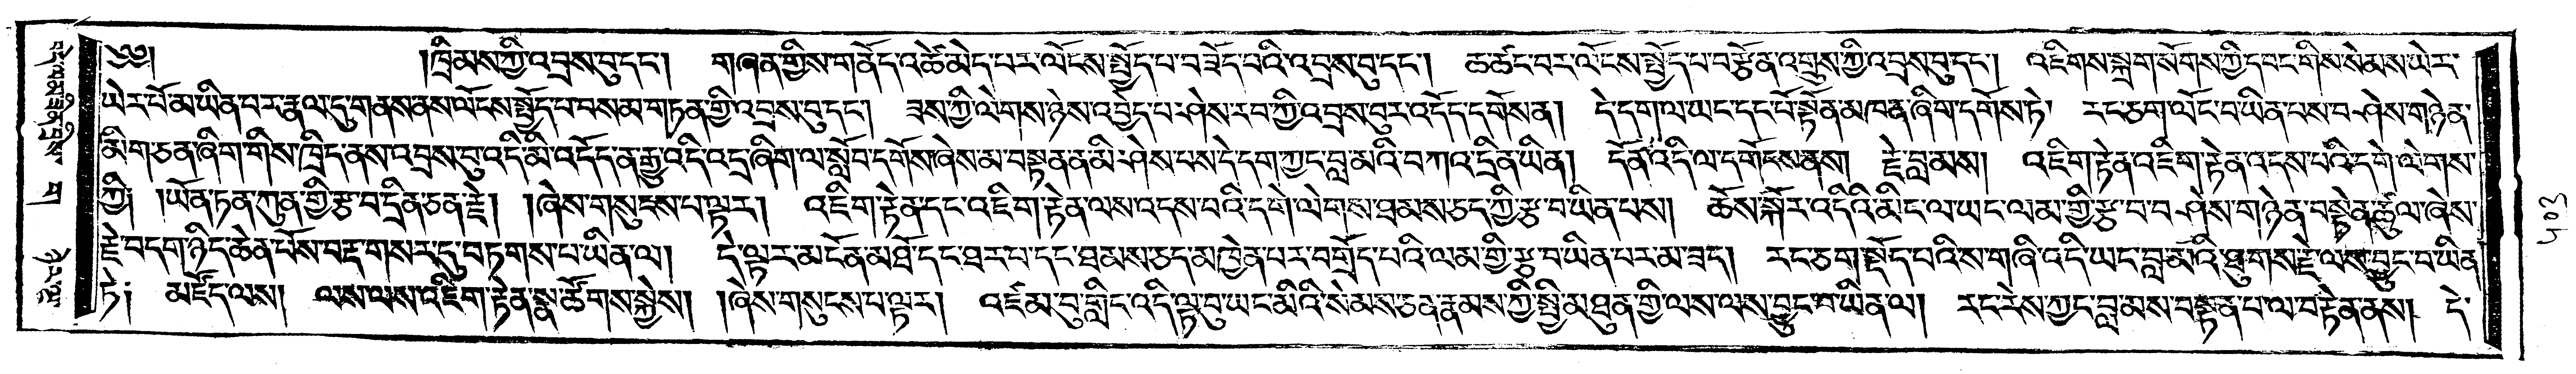༄༅། །ཁྲིམས་ཀྱི་འབྲས་བུ་དང་། གཞན་གྱིས་གནོད་འཚེ་མེད་པར་ལོངས་སྤྱོད་པ་བཟོད་པའི་འབྲས་བུ་དང་། ཆ་ཚང་བར་ལོངས་སྤྱོད་པ་བརྩོན་འགྲུས་ཀྱི་འབྲས་བུ་དང་། འཇིགས་སྐྲག་སོགས་ཀྱི་དབང་གིས་སེམས་ཡེར་
ཡེར་པོ་མ་ཡིན་པར་རྣལ་དུ་གནས་ནས་ལོངས་སྤྱོད་པ་བསམ་གཏན་གྱི་འབྲས་བུ་དང་། ཟས་ཀྱི་ལེགས་ཉེས་འབྱེད་པ་ཤེས་རབ་ཀྱི་འབྲས་བུར་འདོད་དགོས་ན། དེ་དག་ལ་ཡང་དང་པོ་སྟོན་མཁན་ཞིག་དགོས་ཏེ། རང་ཅག་ཡོང་བ་ཡིན་པས་བཤེས་གཉེན་
མིག་ཅན་ཞིག་གིས་ཁྲིད་ནས་འབྲས་བུ་འདི་མི་འདོད་ན་རྒྱུ་འདི་འདྲ་ཞིག་ལ་སློབ་དགོས་ཞེས་མ་བསྟན་ན་མི་ཤེས་པས་དེ་དག་ཀྱང་བླ་མའི་བཀའ་དྲིན་ཡིན། དོན་འདི་ལ་དགོངས་ནས། རྗེ་བླ་མས། འཇིག་རྟེན་འཇིག་རྟེན་འདས་པའི་དགེ་ལེགས་
ཀྱི། །ཡོན་ཏན་ཀུན་གྱི་རྩ་བ་དྲིན་ཅན་རྗེ། །ཞེས་གསུངས་པ་ལྟར། འཇིག་རྟེན་དང་འཇིག་རྟེན་ལས་འདས་པའི་དགེ་ལེགས་ཐམས་ཅད་ཀྱི་རྩ་བ་ཡིན་པས། ཆོས་སྐོར་འདིའི་མིང་ལ་ཡང་ལམ་གྱི་རྩ་བ་བཤེས་གཉེན་བསྟེན་ཚུལ་ཞེས་
རྗེ་བདག་ཉིད་ཆེན་པོས་བརྡ་གསར་དུ་བཏགས་པ་ཡིན་ལ། དེ་ལྟར་མངོན་མཐོ་དང་ཐར་པ་དང་ཐམས་ཅད་མཁྱེན་པར་བགྲོད་པའི་ལམ་གྱི་རྩ་བ་ཡིན་པར་མ་ཟད། རང་ཅག་སྡོད་པའི་ས་གཞི་འདི་ཡང་བླ་མའི་ཐུགས་རྗེ་འབྱུང་བ་ཡིན་
ཏེ༑ མཛོད་ལས། ལས་ལས་འཇིག་རྟེན་སྣ་ཚོགས་སྐྱེས། །ཞེས་གསུངས་པ་ལྟར། འཛམ་བུ་གླིང་འདི་ལྟ་བུ་ཡང་མིའི་སེམས་ཅན་རྣམས་ཀྱི་སྤྱི་མཐུན་གྱི་ལས་ལས་བྱུང་བ་ཡིན་ལ། རང་རེས་ཀྱང་བླ་མས་བསྟན་པ་ལ་བརྟེན་ནས། དེ་